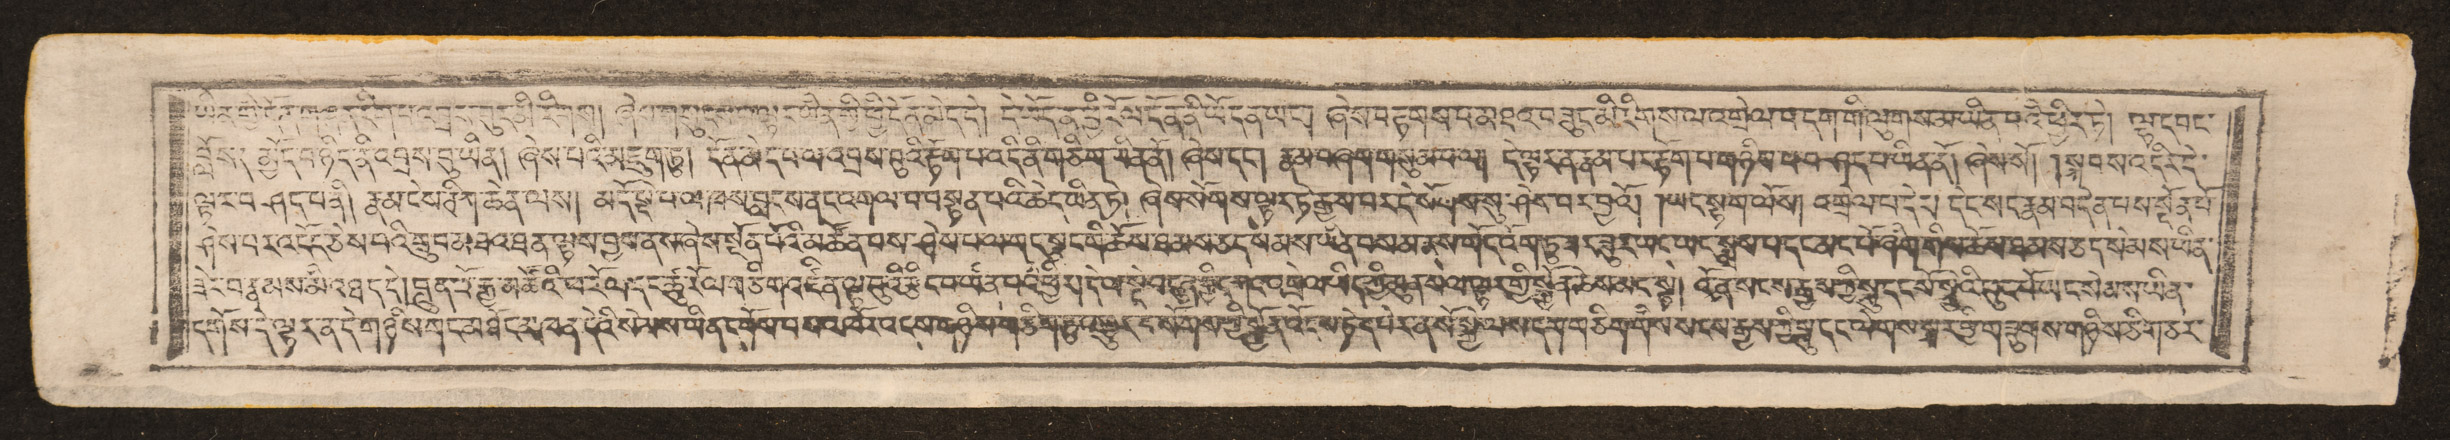ཡིན་གྱི་དོན་གཞན་རིག་པ་འབྲས་བུར་མི་རིགས། ཞེས་གསུངས་བ་ལྟར་ཡིན་གྱི་ཕྱི་དོན་མེད་དེ། དེ་ཡོད་ན་ཕྱི་རོལ་དོན་ནི་ཡོད་ན་ཡང་། ཞེས་བརྟགས་པ་མཐའ་བཟུང་མི་རིགས་ལ་འགྲེལ་པ་དག་གི་ལུགས་མ་ཡིན་པའི་ཕྱིར་ཏེ། ལྷ་དབང་
བློས༑ མྱོང་བ་ཉིད་ནི་འབྲས་བུ་ཡིན། ཞེས་པའི་མཇུག་ཏུ། དོན་མེད་པ་ལ་འབྲས་བུའི་རྟོག་པ་འདི་ནི་གཅིག་ཡིན་ནོ། ཞེས་དང་། རྣམ་བཞག་གསུམ་པ་ལ། དེ་ལྟར་ན་རྣམ་པར་རྟོག་པ་གཉིས་པ་བཤད་པ་ཡིན་ནོ། ཞེས་སོ། །སྐབས་འདིར་དེ་
ལྟར་བཤད་པ་ནི། རྣམ་ངེས་ཊིཀ་ཆེན་ལས། མདོ་སྡེ་པ་ལ་ཁས་བླངས་ནང་འགལ་བ་བསྟན་པའི་ཆེད་ཡིན་ཏེ། ཞེས་སོགས་ལྟར་ཏེ་རྒྱས་པར་དེ་སོགས་སུ་ཤེས་པར་བྱའོ། །ཡང་སྟག་ལོས། འགྲེལ་པ་དེར། དེང་སང་རྣམ་བདེན་པས་སྔོན་པོ་
ཤེས་པར་འདོད་ཅེས་པའི་གྲུབ་མཐའ་ཐན་ལྟས་བྱས་ནས་ཞེས་སྔོན་པོའི་མཚོན་པས་ཤེས་པ་ལ་གང་སྣང་གི་ཆོས་ཐམས་ཅད་སེམས་ཡིན་བསམ་ནས་གོང་འོག་ཏུ་ཟར་ཟུར་ཡང་ཡང་སྨས་པ་དང་མང་པོ་ཞིག་གིས་ཆོས་ཐམས་ཅད་སེམས་ཡིན་
ཟེར་བ་རྣམས་མི་འཐད་དེ། བླུན་པོ་རྒྱ་མཚོའི་ཕ་རོལ་དང་ཚུ་རོལ་གཅིག་འཛིན་ལྟ་བུའི་རྩིང་བ་ཡིན་པའི་ཕྱིར། དེ་ལ་སྡེ་བདུན་གྱི་དཀའ་འགྲེལ་ཡིད་ཀྱི་མུན་སེལ་ལྟར་གྱི་སྐྱོན་ཆེས་མང་སྟེ། འོ་ན་སངས་རྒྱས་ཀྱི་སྐུ་དང་སོ་སྐྱེའི་ཕུང་པོ་ཡང་སེམས་ཡིན་
དགོས་དེ་ལྟར་ན་དེ་གཉིས་གང་མཐོང་མཁན་དེའི་སེམས་ཡིན་དགོས་བས་འཁོར་འདས་གཉིས་གཅིག་ཏུ་འགྱུར་པ་སོགས་ཀྱི་སྐྱོན་འོངས་ཏེ་དཔེར་ན་སོ་སྐྱེ་ལས་དག་གཅིག་གིས་སངས་རྒྱས་ཀྱི་སྐུ་དང་ལེགས་སྐར་གྱི་གཟུགས་གཉིས་ཅིག་ཅར་